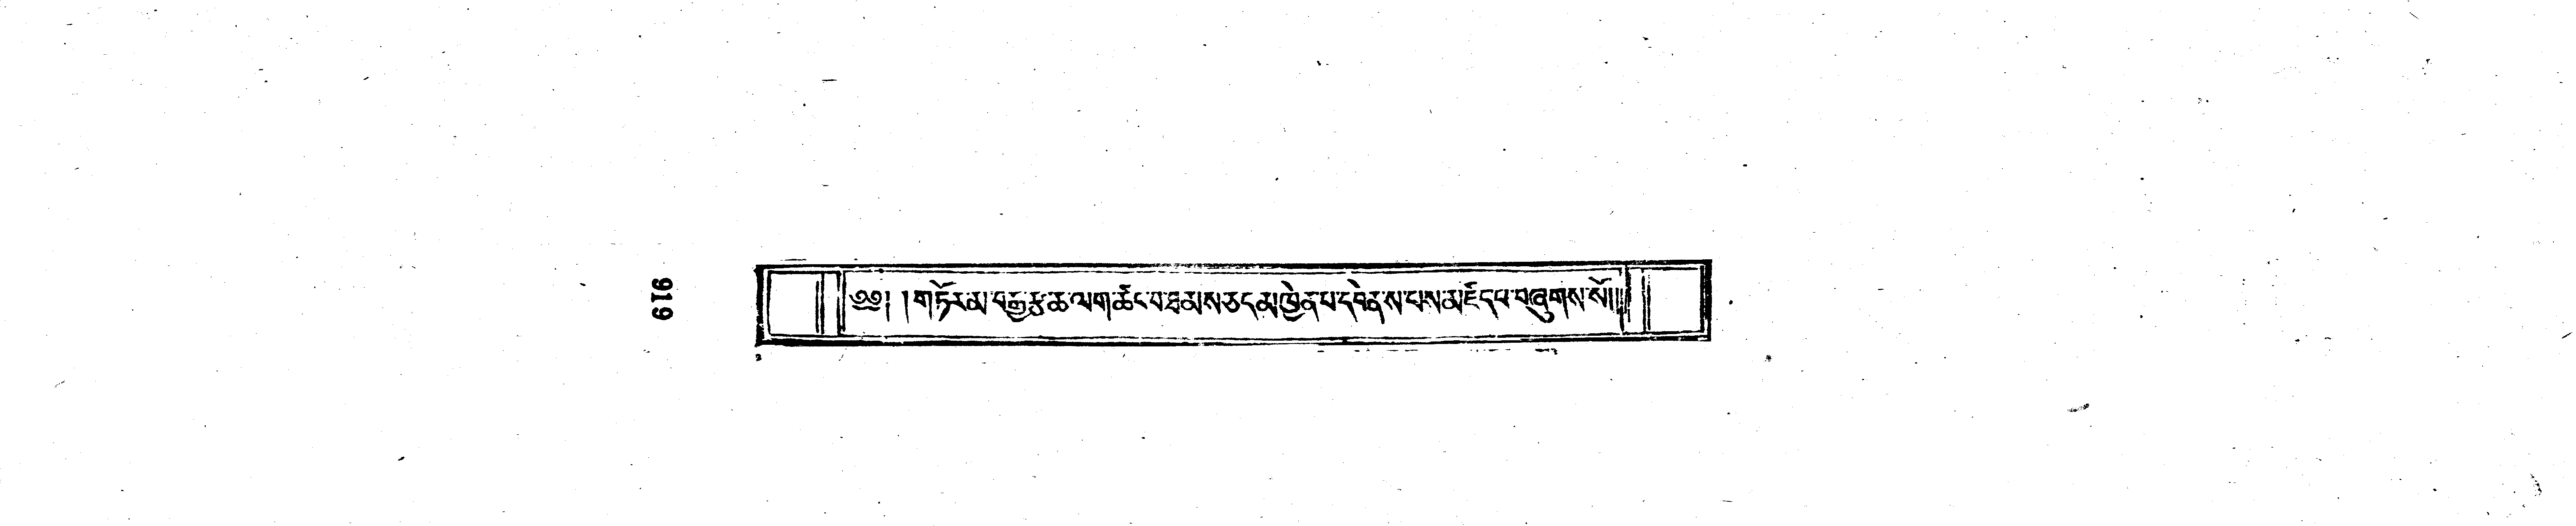༄༅། །གཏོར་མ་བརྒྱ་རྩ་ཆ་ལག་ཚང་བ་ཐམས་ཅད་མཁྱེན་པ་དབེན་ས་པས་མཛད་པ་བཞུགས་སོ།།